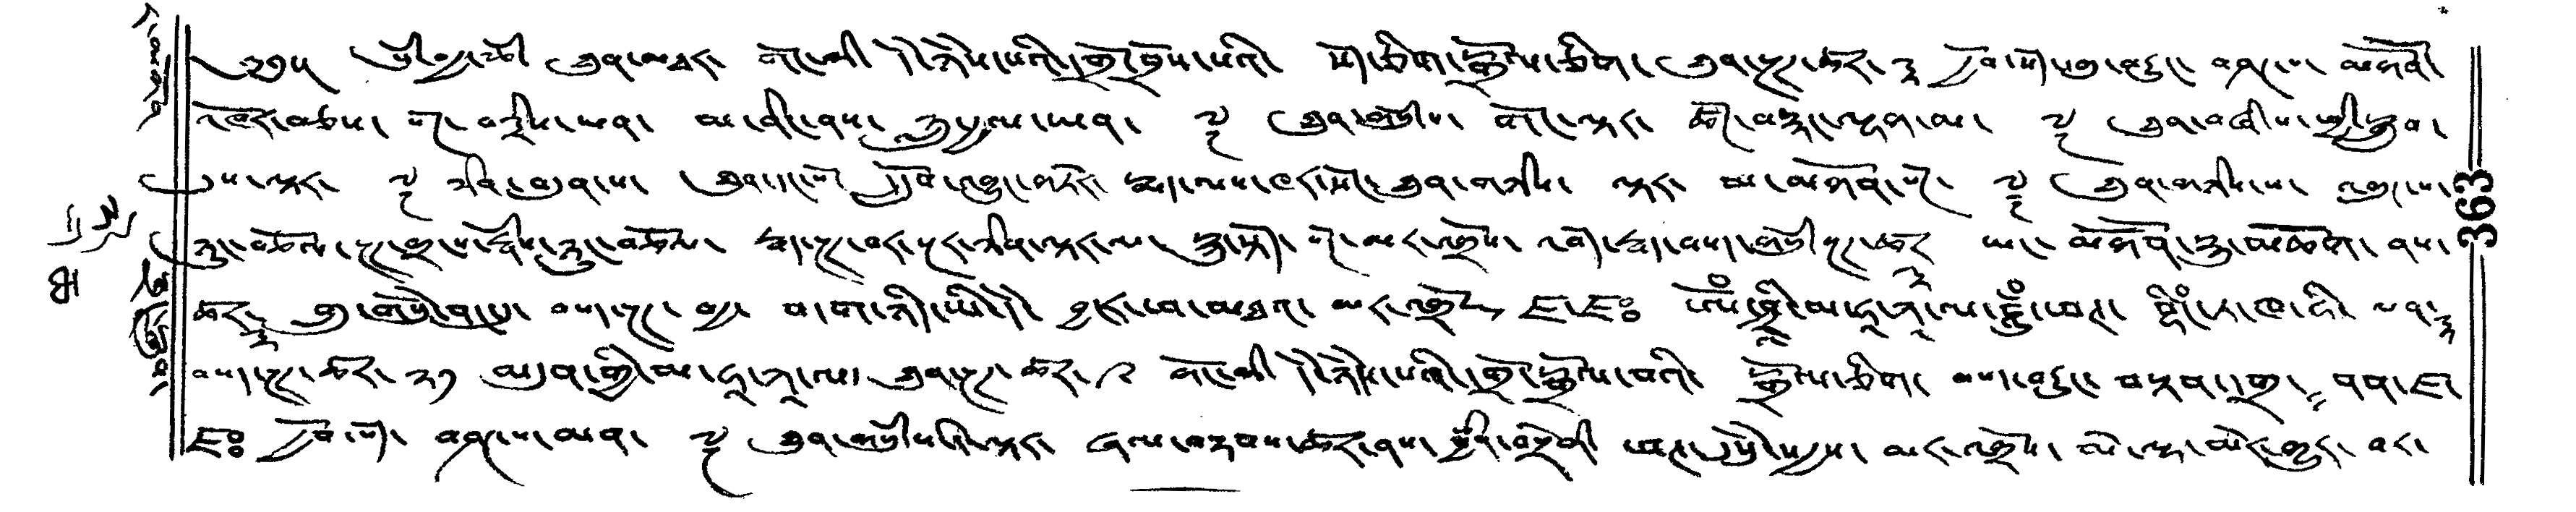སུམ་བརྒྱ་ཙམ། ཐུན་མཐར། གོང་གི དམ་ཉམས་པའི་དགྲ་བོ་བྲོས་པའི༴ སད་ཅིག་སྒྲོལ་ཅིག༴ ཐུན་སྔགས་ཚར་གསུམ། རྒྱོབ་སོད་དགུ་རྡུང་། བཤགས་པ། མགོན་པོ་
འཁོར་བཅས༴ སོགས། བཀྲ་ཤིས་ཡན། མ་ནིང་ནས། ཀླུ་རྒྱལ་ཡན། ༈ ཐུན་གསུམ་པ། གོང་ལྟར། ཚོགས་བསྐང་ལྷག་མ། ༈ ཐུན་བཞི་པ་ཕྱི་སྒྲུབ་
དུས་ལྟར། ༈ ཉིན་བདུན་པ། ཐུན་དང་པོ། དངོས་གྲུབ་འབྱུང་གཏེར་སྨད་ལས་ཁ་སང་ཐུན་གཉིས་ལྟར། མ་མགོན༴ སོགས། ༈ ཐུན་གཉིས་པ། འགུགས་པ་
ཉུང་ཙམ། སྔགས་གྲངས་རྣམས་ཉུང་ཙམ། རྦད་སྔགས་བར་སྔར་གཉིན་ལྟར་ལ། སྐུ་སྟོད༴ སོགས་མར་འགྲོས། འབོད་རྦད་བསད་གསུམ་སྔགས་ཚར་གསུམ། ཡང་། མགོན་པོ་སྐུ་མཆོག༴ ནས་
ཚར་གསུམ། གྲུ་གསུམ་ནང་དུ༴ བསད་སྔགས་བརྒྱ། བདག་ཉིད་ཡི་དམ༴ བྱང་ཤར་ཕ་མཐའ༴ མར་འགྲོས། ཛ་ཛཿ ཨོཾ་ཤྲཱི་མ་ཧཱ་ཀཱ་ལ་ཧཱུྃ་ཕཊ༔ བྷ་ལིངྟ་ཏ་ཁ་ཧིཿ ལན་གསུམ།
བསད་སྔགས་ཚར་ཉེར་གཅིགམདུན་གྱི་མ་ཧཱ་ཀཱ་ལ༴ ཐུན་སྔགས་ཚར་དགུ། གོང་གི དམ་ཉམས་པའི་དགྲ་བོ་སྒྲོལ་བའི༴ སྒྲོལ་ཅིག༔ བསད་བརྡུང་། བསྟན་དགྲ༴ ནན་ཛ་
ཛཿ རྒྱོབ་སོད། བཤགས་པ་མན། ༈ ཐུན་གསུམ་པ་དེ་ལྟར། ཞལ་བསྟབ་ཚར་ནས། སྦྱིན་བསྲེག་གི ཕཊཿ དུས་གསུམ་སངས་རྒྱས༴ མར་འགྲོས། མེ་ལྷ་མེར་གྱུར༴ བར་།